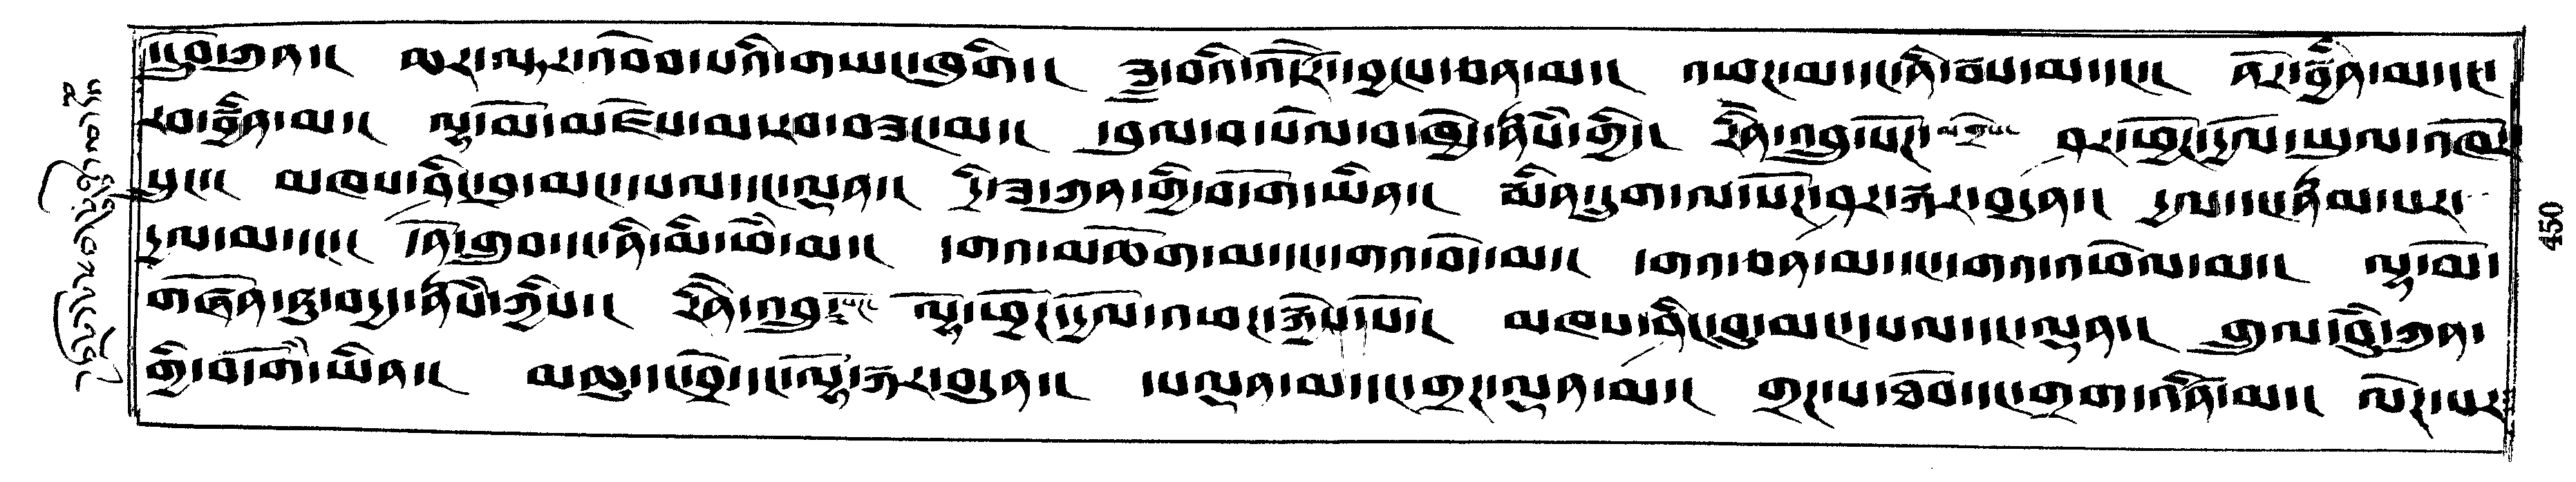དངོས་གྲུབ་ཀུན། །ཆར་ལྟར་འབེབ་པའི་གཡང་ཁུག་ཅིག །ཟླ་བའི་འོད་ཟེར་དབྱངས་ཅན་མ། །འཕགས་མ་དང་ནི་སྦས་མ་དང་། །ནོར་སྦྱིན་མ་དང་
རབ་སྦྱིན་མ། །ལྷ་མོ་མཛེས་མ་རབ་བཟང་མ། །དབུལ་བ་སེལ་བ་ཁྱེད་རྣམས་ཀྱིས། །རིན་ཆེན་འབྲུ་སོགས་འགྲེས། ཤར་ཕྱོགས་རྒྱལ་པོ་ཡུལ་འཁོར་
སྲུང་། །མཁས་ཤིང་བུ་མང་དཔལ་དང་ལྡན། །དྲི་ཟ་ཀུན་ཀྱི་བདག་པོ་ཡིན། །སྨིན་དྲུག་ལ་སོགས་ཤར་སྐར་བདུན། །རྒྱལ་དང་རྣམ་པར་
རྒྱལ་མ་དང་། །དོན་གྲུབ་དང་ནི་མི་ཕམ་མ། །དགའ་མཆོག་མ་དང་དགའ་བདེ་མ། །དགའ་ཅན་མ་དང་དགའ་འཕེལ་མ། །ལྷ་མོ་
གཞོན་ནུ་བརྒྱད་རྣམས་ཀྱིས། །རིན་ཆེན་འབྲུ༔ སོགས། ལྷོ་ཕྱོགས་རྒྱལ་པོ་འཕགས་སྐྱེས་པོ། །མཁས་ཤིང་བུ་མང་དཔལ་དང་ལྡན། །གྲུལ་བུམ་ཀུན་
ཀྱི་བདག་པོ་ཡིན། །མཆུ་དང་བྲེ་དང་ལྷོ་སྐར་བདུན། །དཔལ་ལྡན་མ་དང་གྲགས་ལྡན་མ། །གྲགས་པ་ཐོབ་དང་གྲགས་འཛིན་མ། །ལེགས་པར་